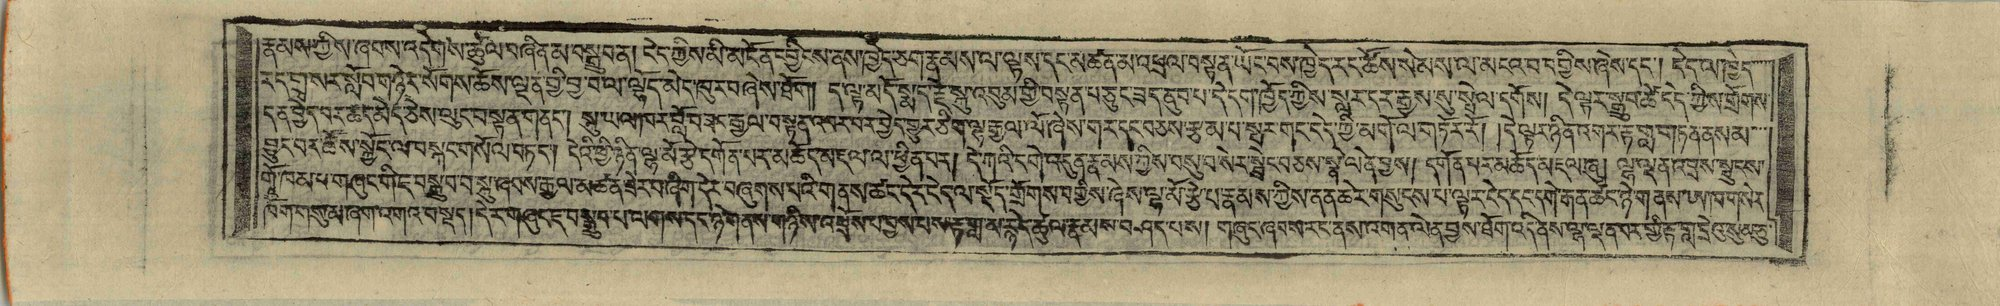རྣམས་ཀྱིས་ཞབས་འདེགས་ཚུལ་བཞིན་མ་བསྒྲུབ་ན། ངེད་ཀྱིས་མི་མངོན་དབྱིངས་ནས་ཁྱེད་ཅག་རྣམས་ལ་ལྟས་དང་མཚན་མ་འཕྲལ་བསྟན་ཡོང་བས་ཁྱེད་རང་ཚོས་སེམས་ལ་མངའ་བ་བགྱིས་ཞེས་དང་། ངེད་ལ་ཁྱེད་
རང་གྲྭ་སར་སློབ་གཉེར་སོགས་ཆོས་ལྡན་གྱི་བྱ་བ་ལ་ལྷོད་མེད་ཁུར་བཞེས་ཐོག །ད་ལྟ་མདོ་སྨད་རྗེ་སྐུ་འབུམ་གྱི་བསྟན་པ་ཅུང་ཟད་ནུབ་པ་དེ་དག་ཁྱོད་ཀྱིས་སླར་དར་རྒྱས་སུ་སྤེལ་དགོས། དེ་ལྟར་སྒྲུབ་ཚེ་ངེད་ཀྱིས་གྲོགས་
དན་བྱེད་བར་ཆད་མེད་ཅེས་ལུང་བསྟན་གནང་། སྐུ་ཡལ་ཁར་བློ་བཟང་རྒྱལ་བསྟན་འབར་བར་བྱེད་གྱུར་ཅིག་ལྷ་རྒྱལ་ལོ་ཞེས་གར་དང་བཅས་རྩམ་པ་སྤར་གང་ངེད་ཀྱི་མགོ་ལ་གཏོར་རོ། །དེ་ལྟར་ཉིན་འགར་རྟ་གླ་གཏན་ནས་མ་
བྱུང་བར་ཆོས་སྐྱོང་ལ་བསྐང་གསོལ་བཏང་། དེའི་ཕྱི་ཉིན་ལྷ་མོ་རྩེ་དགོན་པར་མཆོད་མཇལ་ལ་ཕྱིན་པར། དེ་ཀའི་དགེ་འདུན་རྣམས་ཀྱིས་བསུ་བ་སེར་སྦྲེང་བཅས་སྣེ་ལེན་བྱས། དགོན་པར་མཆོད་མཇལ་ཞུ། ལྷ་ལྡན་འབྲས་སྤུངས་
གO་ཁམ་པ་གཞུང་གི་ཇ་བསྒྲུབ་པ་སྐུ་ཞབས་རྒྱལ་མཚན་ཟེར་བ་ཞིག་དེར་བཞུགས་པའི་གནས་ཚང་དེར་ངེད་ལ་སྡོད་གྲོགས་བགྱིས་ཞེས་ལྷ་མོ་རྩེ་པ་རྣམས་ཀྱིས་ནན་ཆེར་གསུངས་པ་ལྟར་ངེད་དང་དགེ་རྒན་ཚང་ཉེ་གནས་ཨ་ཁ་གསེར་
ཁོག་གསུམ་ཞག་འགའ་བསྡད། དེར་གཞུང་ཇ་བསྒྲུབ་པ་ལགས་དང་ཉེ་གནས་གཉིས་འཕྲོས་པ་བྱས་པས་རྟ་གླ་མ་རྙེད་ཚུལ་རྣམས་བཤད་པས། གཞུང་ཞབས་རང་ནས་འགན་ལེན་བྱས་ཐོག་འདི་ནས་ལྷ་ལྡན་བར་གྱི་རྟ་གླ་དྲེའུ་སུམ་ཅུ་